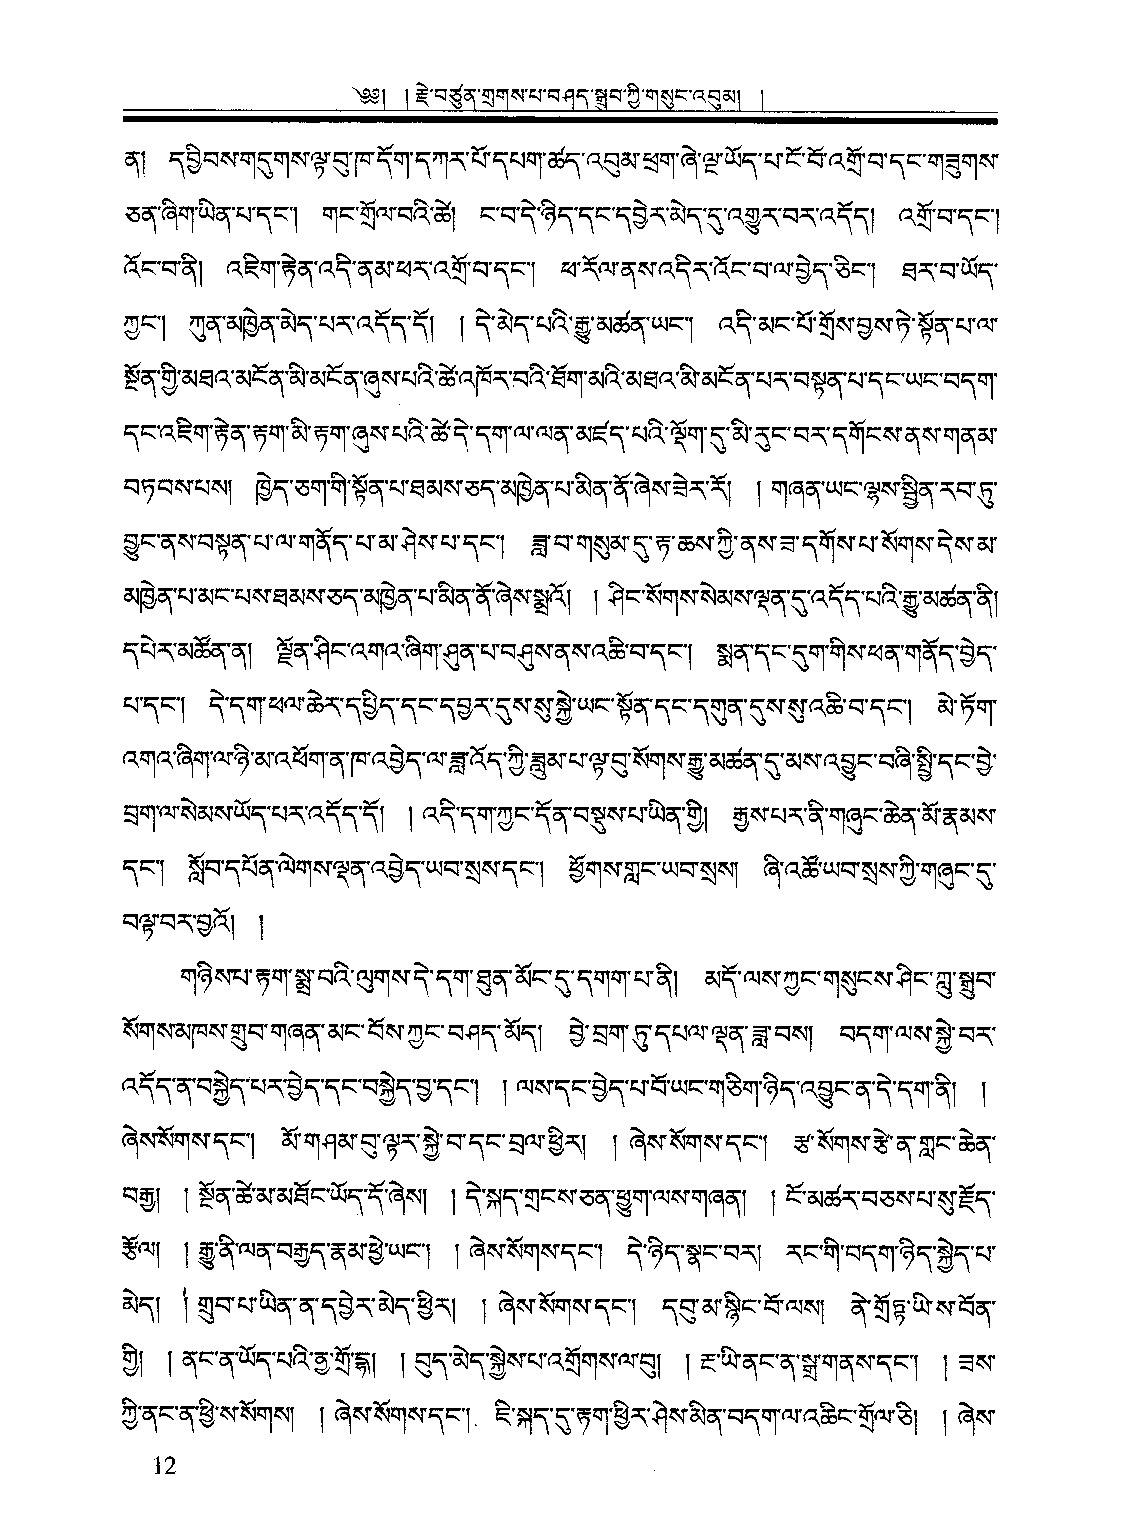ན། དབྱིབས་གདུགས་ལྟ་བུ་ཁ་དོག་དཀར་པོ་དཔག་ཚད་འབུམ་ཕྲག་ཞེ་ལྔ་ཡོད་པ་ངོ་བོ་འགྲོ་བ་དང་གཟུགས་
ཅན་ཞིག་ཡིན་པ་དང་། གང་གྲོལ་བའི་ཚེ། ང་བ་དེ་ཉིད་དང་དབྱེར་མེད་དུ་འགྱུར་བར་འདོད། འགྲོ་བ་དང་།
འོང་བ་ནི། འཇིག་རྟེན་འདི་ནམ་ཕར་འགྲོ་བ་དང་། ཕ་རོལ་ནས་འདིར་འོང་བ་ལ་བྱེད་ཅིང་། ཐར་བ་ཡོད་
ཀྱང་། ཀུན་མཁྱེན་མེད་པར་འདོད་དོ། །དེ་མེད་པའི་རྒྱུ་མཚན་ཡང་། འདི་མང་པོ་གྲོས་བྱས་ཏེ་སྟོན་པ་ལ་
སྔོན་གྱི་མཐའ་མངོན་མི་མངོན་ཞུས་པའི་ཚེ་འཁོར་བའི་ཐོག་མའི་མཐའ་མི་མངོན་པར་བསྟན་པ་དང་ཡང་བདག་
དང་འཇིག་རྟེན་རྟག་མི་རྟག་ཞུས་པའི་ཚེ་དེ་དག་ལ་ལན་མཛད་པའི་ལྡོག་དུ་མི་རུང་བར་དགོངས་ནས་གནམ་
བཏབས་པས། ཁྱེད་ཅག་གི་སྟོན་པ་ཐམས་ཅད་མཁྱེན་པ་མིན་ནོ་ཞེས་ཟེར་རོ། །གཞན་ཡང་ལྷས་སྦྱིན་རབ་ཏུ་
བྱུང་ནས་བསྟན་པ་ལ་གནོད་པ་མ་ཤེས་པ་དང་། ཟླ་བ་གསུམ་དུ་རྟ་ཆས་ཀྱི་ནས་ཟ་དགོས་པ་སོགས་དེས་མ་
མཁྱེན་པ་མང་པས་ཐམས་ཅད་མཁྱེན་པ་མིན་ནོ་ཞེས་སྨྲའོ། །ཤིང་སོགས་སེམས་ལྡན་དུ་འདོད་པའི་རྒྱུ་མཚན་ནི།
དཔེར་མཚོན་ན། ལྗོན་ཤིང་འགའ་ཞིག་ཤུན་པ་བཤུས་ནས་འཆི་བ་དང་། སྨན་དང་དུག་གིས་ཕན་གནོད་བྱེད་
པ་དང་། དེ་དག་ཕལ་ཆེར་དཔྱིད་དང་དབྱར་དུས་སུ་སྐྱེ་ཡང་སྟོན་དང་དགུན་དུས་སུ་འཆི་བ་དང་། མེ་ཏོག་
འགའ་ཞིག་ལ་ཉི་མ་འཕོག་ན་ཁ་འབྱེད་ལ་ཟླ་འོད་ཀྱི་ཟླུམ་པ་ལྟ་བུ་སོགས་རྒྱུ་མཚན་དུ་མས་འབྱུང་བཞི་སྤྱི་དང་བྱེ་
བྲག་ལ་སེམས་ཡོད་པར་འདོད་དོ། །འདི་དག་ཀྱང་དོན་བསྡུས་པ་ཡིན་གྱི། རྒྱས་པར་ནི་གཞུང་ཆེན་མོ་རྣམས་
དང་། སློབ་དཔོན་ལེགས་ལྡན་འབྱེད་ཡབ་སྲས་དང་། ཕྱོགས་གླང་ཡབ་སྲས། ཞི་འཚོ་ཡབ་སྲས་ཀྱི་གཞུང་དུ་
བལྟ་བར་བྱའོ། །
གཉིས་པ་རྟག་སྨྲ་བའི་ལུགས་དེ་དག་ཐུན་མོང་དུ་དགག་པ་ནི། མདོ་ལས་ཀྱང་གསུངས་ཤིང་ཀླུ་སྒྲུབ་
སོགས་མཁས་གྲུབ་གཞན་མང་བོས་ཀྱང་བཤད་མོད། བྱེ་བྲག་ཏུ་དཔལ་ལྡན་ཟླ་བས། བདག་ལས་སྐྱེ་བར་
འདོད་ན་བསྐྱེད་པར་བྱེད་དང་བསྐྱེད་བྱ་དང་། །ལས་དང་བྱེད་པ་བོ་ཡང་གཅིག་ཉིད་འབྱུང་ན་དེ་དག་ནི། །
ཞེས་སོགས་དང་། མོ་གཤམ་བུ་ལྟར་སྐྱེ་བ་དང་བྲལ་ཕྱིར། །ཞེས་སོགས་དང་། རྩ་སོགས་རྩེ་ན་གླང་ཆེན་
བརྒྱ། །སྔོན་ཚེ་མ་མཐོང་ཡོད་དོ་ཞེས། །དེ་སྐད་གྲངས་ཅན་ཕྱུག་ལས་གཞན། །ངོ་མཚར་བཅས་པ་སུ་རྗོད་
རྩོལ། །རྒྱུ་ནི་ལན་བརྒྱད་རྣམ་ཕྱེ་ཡང་། །ཞེས་སོགས་དང་། དེ་ཉིད་སྣང་བར། རང་གི་བདག་ཉིད་སྐྱེད་པ་
མེད། །གྲུབ་པ་ཡིན་ན་དབྱེར་མེད་ཕྱིར། །ཞེས་སོགས་དང་། དབུ་མ་སྙིང་བོ་ལས། ནེ་གྲོཏྟ་ཡི་ས་བོན་
གྱི། །ནང་ན་ཡོད་པའི་ནྱ་གྲོ་དྷ། །བུད་མེད་སྐྱེས་པ་འགྲོགས་ལ་བུ། །རྔ་ཡི་ནང་ན་སྒྲ་གནས་དང་། །ཟས་
ཀྱི་ནང་ན་ཕྱི་ས་སོགས། །ཞེས་སོགས་དང་། ཇི་སྐད་དུ་རྟག་ཕྱིར་ཤེས་མིན་བདག་ལ་འཆིང་གྲོལ་ཅི། །ཞེས་